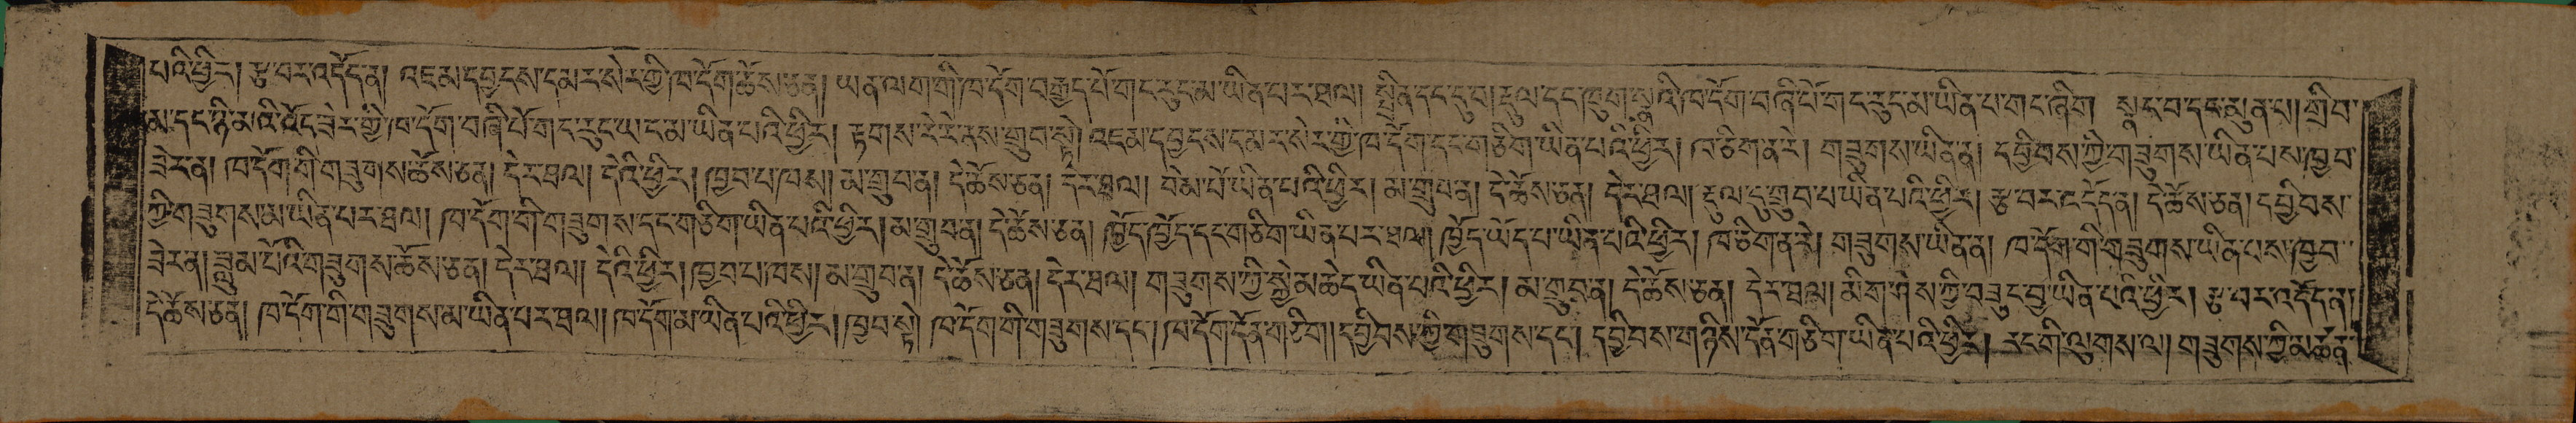པའི་ཕྱིར། རྩ་བར་འདོད་ན། འཇམ་དབྱངས་དམར་སེར་གྱི་ཁ་དོག་ཆོས་ཅན། ཡན་ལག་གི་ཁ་དོག་བརྒྱད་པོ་གང་རུང་མ་ཡིན་པར་ཐལ། སྤྲིན་དང་དུ་བ། རྡུལ་དང་ཁུག་སྣའི་ཁ་དོག་བཞི་པོ་གང་རུང་མ་ཡིན་པ་གང་ཞིག །སྣང་བ་དང་མུན་པ། གྲིབ་
མ་དང་ཉི་མའི་འོད་ཟེར་གྱི་ཁ་དོག་བཞི་པོ་གང་རུང་ཡང་མ་ཡིན་པའི་ཕྱིར། རྟགས་རེ་རེ་ནས་གྲུབ་སྟེ། འཇམ་དབྱངས་དམར་སེར་གྱི་ཁ་དོག་དང་གཅིག་ཡིན་པའི་ཕྱིར། ཁ་ཅིག་ན་རེ། གཟུགས་ཡིན་ན། དབྱིབས་ཀྱི་གཟུགས་ཡིན་པས་ཁྱབ་
ཟེར་ན། ཁ་དོག་གི་གཟུགས་ཆོས་ཅན། དེར་ཐལ། དེའི་ཕྱིར། ཁྱབ་པ་ཁས། མ་གྲུབ་ན། དེ་ཆོས་ཅན། དེར་ཐལ། བེམ་པོ་ཡིན་པའི་ཕྱིར། མ་གྲུབ་ན། དེ་ཆོས་ཅན། དེར་ཐལ། རྡུལ་དུ་གྲུབ་པ་ཡིན་པའི་ཕྱིར། རྩ་བར་འདོད་ན། དེ་ཆོས་ཅན། དབྱིབས་
ཀྱི་གཟུགས་མ་ཡིན་པར་ཐལ། ཁ་དོག་གི་གཟུགས་དང་གཅིག་ཡིན་པའི་ཕྱིར། མ་གྲུབ་ན། དེ་ཆོས་ཅན། ཁྱོད་ཁྱོད་དང་གཅིག་ཡིན་པར་ཐལ། ཁྱོད་ཡོད་པ་ཡིན་པའི་ཕྱིར། ཁ་ཅིག་ན་རེ། གཟུགས་ཡིན་ན། ཁ་དོག་གི་གཟུགས་ཡིན་པས་ཁྱབ་
ཟེར་ན། ཟླུམ་པོའི་གཟུགས་ཆོས་ཅན། དེར་ཐལ། དེའི་ཕྱིར། ཁྱབ་པ་ཁས། མ་གྲུབ་ན། དེ་ཆོས་ཅན། དེར་ཐལ། གཟུགས་ཀྱི་སྐྱེ་མཆེད་ཡིན་པའི་ཕྱིར། མ་གྲུབ་ན། དེ་ཆོས་ཅན། དེར་ཐལ། མིག་ཤེས་ཀྱི་བཟུང་བྱ་ཡིན་པའི་ཕྱིར། རྩ་བར་འདོད་ན།
དེ་ཆོས་ཅན། ཁ་དོག་གི་གཟུགས་མ་ཡིན་པར་ཐལ། ཁ་དོག་མ་ཡིན་པའི་ཕྱིར། ཁྱབ་སྟེ། ཁ་དོག་གི་གཟུགས་དང་། ཁ་དོག་དོན་གཅིག །དབྱིབས་ཀྱི་གཟུགས་དང་། དབྱིབས་གཉིས་དོན་གཅིག་ཡིན་པའི་ཕྱིར། རང་གི་ལུགས་ལ། གཟུགས་ཀྱི་མཚན་